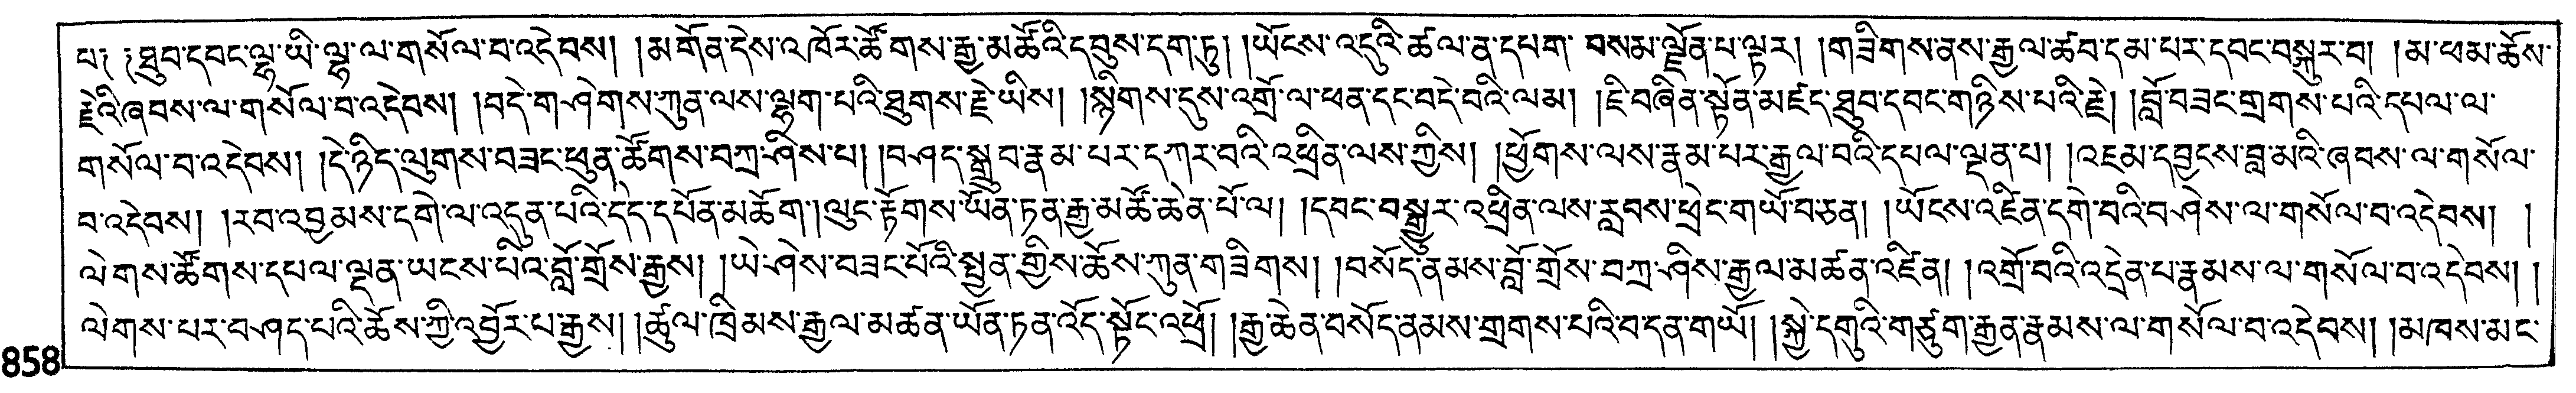པ། །ཐུབ་དབང་ལྷ་ཡི་ལྷ་ལ་གསོལ་བ་འདེབས། །མགོན་དེས་འཁོར་ཚོགས་རྒྱ་མཚོའི་དབུས་དག་ཏུ། །ཡོངས་འདུའི་ཚལ་ན་དཔག་བསམ་ལྗོན་པ་ལྟར། །གཟིགས་ནས་རྒྱལ་ཚབ་དམ་པར་དབང་བསྐུར་བ། །མ་ཕམ་ཆོས་
རྗེའི་ཞབས་ལ་གསོལ་བ་འདེབས། །བདེ་གཤེགས་ཀུན་ལས་ལྷག་པའི་ཐུགས་རྗེ་ཡིས། །སྙིགས་དུས་འགྲོ་ལ་ཕན་དང་བདེ་བའི་ལམ། །ཇི་བཞིན་སྟོན་མཛད་ཐུབ་དབང་གཉིས་པའི་རྗེ། །བློ་བཟང་གྲགས་པའི་དཔལ་ལ་
གསོལ་བ་འདེབས། །དེ་ཉིད་ལུགས་བཟང་ཕུན་ཚོགས་བཀྲ་ཤིས་པ། །བཤད་སྒྲུབ་རྣམ་པར་དཀར་བའི་འཕྲིན་ལས་ཀྱིས། །ཕྱོགས་ལས་རྣམ་པར་རྒྱལ་བའི་དཔལ་ལྡན་པ། །འཇམ་དབྱངས་བླ་མའི་ཞབས་ལ་གསོལ་
བ་འདེབས། །རབ་འབྱམས་དགེ་ལ་འདུན་པའི་དེད་དཔོན་མཆོག །ལུང་རྟོགས་ཡོན་ཏན་རྒྱ་མཚོ་ཆེན་པོ་ལ། །དབང་བསྒྱུར་འཕྲིན་ལས་རླབས་ཕྲེང་གཡོ་བ་ཅན། །ཡོངས་འཛིན་དགེ་བའི་བཤེས་ལ་གསོལ་བ་འདེབས། །
ལེགས་ཚོགས་དཔལ་ལྡན་ཡངས་པའི་བློ་གྲོས་རྒྱས། །ཡེ་ཤེས་བཟང་པོའི་སྤྱན་གྱིས་ཆོས་ཀུན་གཟིགས། །བསོད་ནམས་བློ་གྲོས་བཀྲ་ཤིས་རྒྱལ་མཚན་འཛིན། །འགྲོ་བའི་འདྲེན་པ་རྣམས་ལ་གསོལ་བ་འདེབས། །
ལེགས་པར་བཤད་པའི་ཆོས་ཀྱི་འབྱོར་པ་རྒྱས། །ཚུལ་ཁྲིམས་རྒྱལ་མཚན་ཡོན་ཏན་འོད་སྟོང་འཕྲོ། །རྒྱ་ཆེན་བསོད་ནམས་གྲགས་པའི་བ་དན་གཡོ། །སྐྱེ་དགུའི་གཙུག་རྒྱན་རྣམས་ལ་གསོལ་བ་འདེབས། །མཁས་མང་